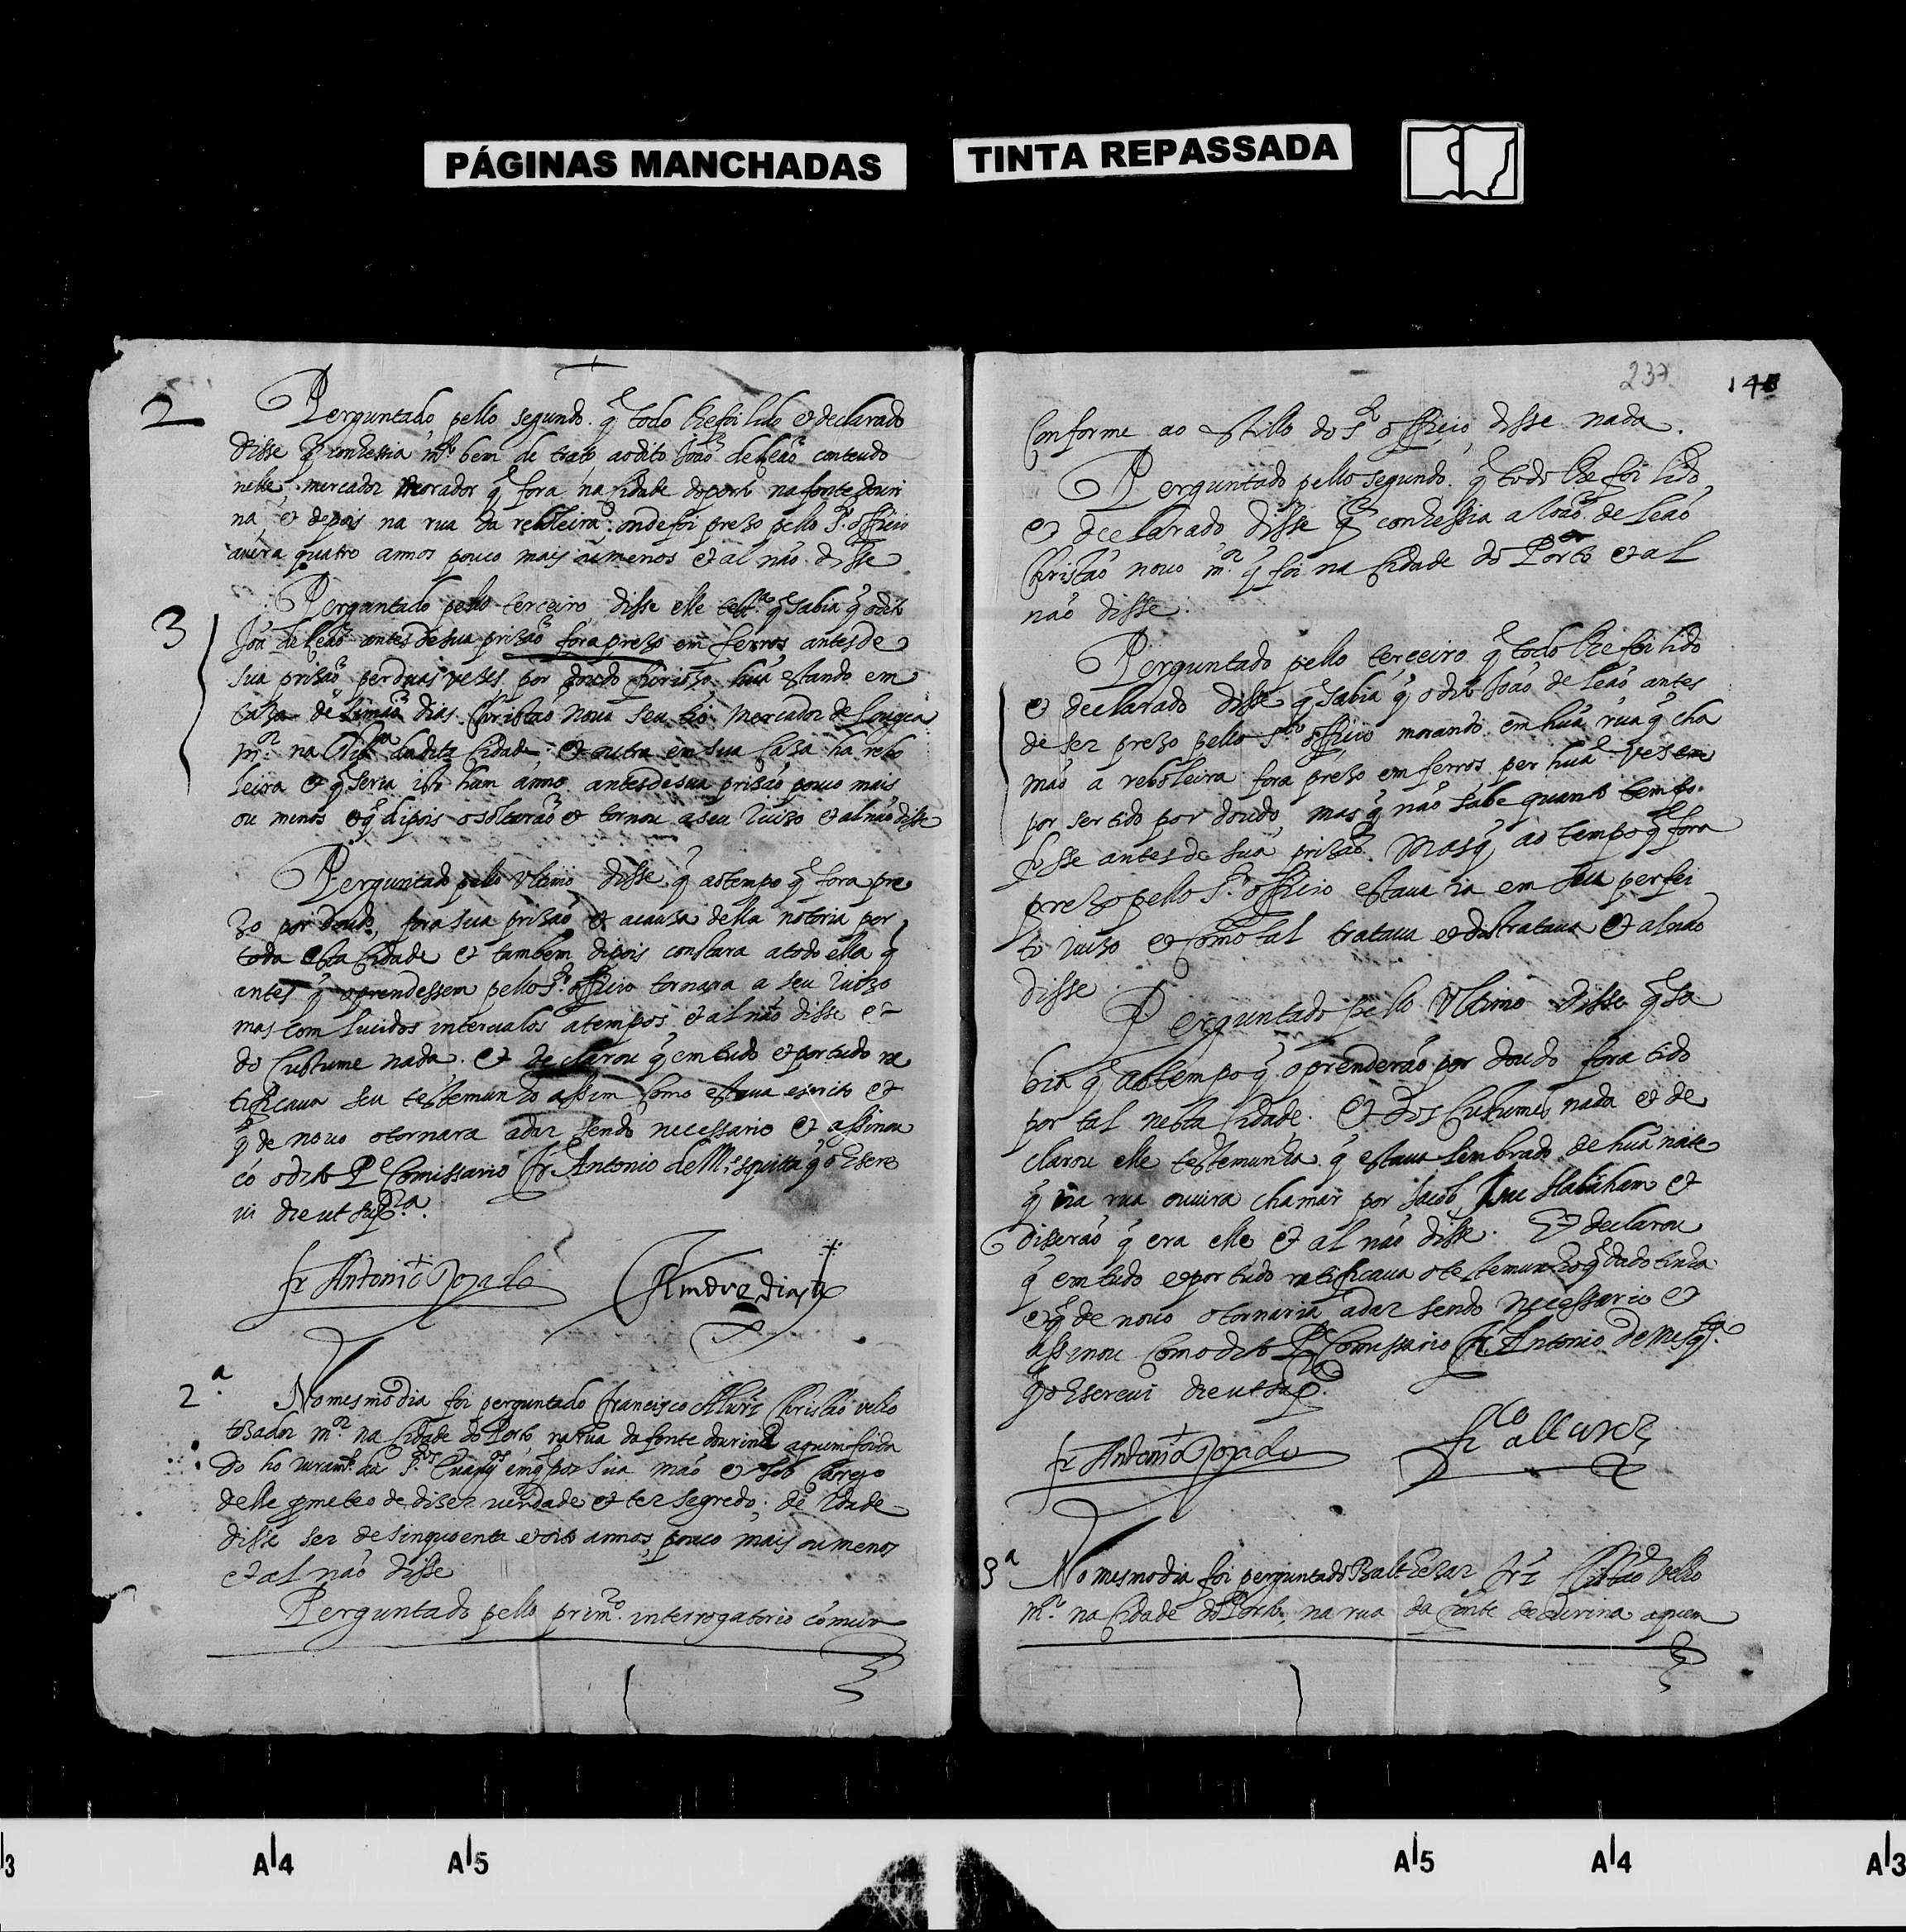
2 Perguntado, pello segundo. q̄ todo lhe foi lido & declarado
disse q̄ conhessia mto. bem de trato ao dito Ioaõ de Leaõ conteudo
nelle mercador morador q̄ fora na Cidade do porto na fonte douri
na, & depois na rua da reboleira: onde foi prezo pello s.to officio
auera quatro annos pouco mais ou menos & al naõ disse
3
Perguntado pello terceiro disse elle test.a q̄ sabia q̄ o dito
Joā de leaõ antes de sua prizaõ fora prezo em ferros, antes de
sua prisaõ por duas vezes por doudo furioso, huā estando em
caza de Simaõ dias Christaõ nouo seu tio mercador de Lougea
mor. na Ribra da dita Cidade; & outra em sua Caza ha rebo
leira & q̄ seria isto hum anno antes de sua prisaõ pouco mais
ou menos & q̄ dipois o soltaraõ & tornou a seu Iuizo & al não disse
Perguntado pello vltimo disse q̄ ao tempo q̄ fora pre
zo por doudo, fora sua prizaõ & a cauza della notoria por
toda esta Cidade & tambem dipois constara a todo ella q̄
antes q̄ o prendessem pello s.to officio tornara a seu iuizo
mas com lucidos interualos a tempos & al não disse &
do Custume nada. & declarou q̄ em tudo & por tudo ra
tificaua seu testemunho assim Como estaua escrito &
q̄ de nouo o tornara a dar sendo necessario & assinou
cō o dito Pe Comissario fr Antonio de Mesquitta q̄ o Escre
ui die ut supra.
fr Antonio Rozado
Andre dias
2a. No mesmo dia foi perguntado francisco Alurz̄ Christaõ velho
tozador mor na Cidade do Porto, na rua da fonte dourina a quem foi da
do ho iuram.to dos s.tos Euangos em q̄ pos sua maõ & sob Cargo
delle ꝓmeteo de dizer uerdade & ter segredo; de idade
disse ser de sinquoenta & oito annos, pouco mais ou menos
& al naõ disse
Perguntado pello prim.ro interrogatorio cōmum
Conforme ao estillo do sto officio disse nada.
Perguntado pello segundo q̄ todo lhe foi lido
& declarado, disse q̄ conhessia a Ioaõ de Leaõ
Christaõ nouo mor. q̄ foi na Cidade do Porto & aL
naõ disse.
Perguntado pello terceiro q̄ todo lhe foi lido
& declarado disse q̄ sabia q̄ o dito Ioão de Leaõ antes
de ser prezo pello s.to officio morando em huā rua q̄ cha
maõ a reboleira fora prezo em ferros per huā ves em
por ser tido por doudo, mas q̄ naõ sabe quanto tempo
fosse antes de sua prizaõ. Mas q̄ ao tempo q̄ fora
prezo pello s.to officio estaua ia em seu perfei
to iuizo & Como tal trataua & destrataua & al não
disse
Perguntado pello Vltimo disse q̄ sa
bia q̄ ao tempo q̄ o prenderaõ por doudo fora tido
por tal nesta Cidade. & dos Custumes nada & de
clarou elle testemunha q̄ estaua lembrado de huā noite
q̄ na rua ouuira chamar por Iacob, Jesse Habraham &
disseraõ q̄ era elle & al naõ disse. & declarou
q̄ em tudo & por tudo ratificaua o testemunho q̄ dado tinha
& q̄ de nouo o tornaria a dar sendo necessario &
assinou Com o ditto Pe Comissario fr. Antonio de mesq.ta
q̄ o Escreui die ut sup.ra
frco aluarez
fr Antonio Rozado
3a No mesmo dia foi perguntado Balthezar frz̄ Christaõ velho
mor. na Cidade do Porto, na rua da fonte de ourina a quem
